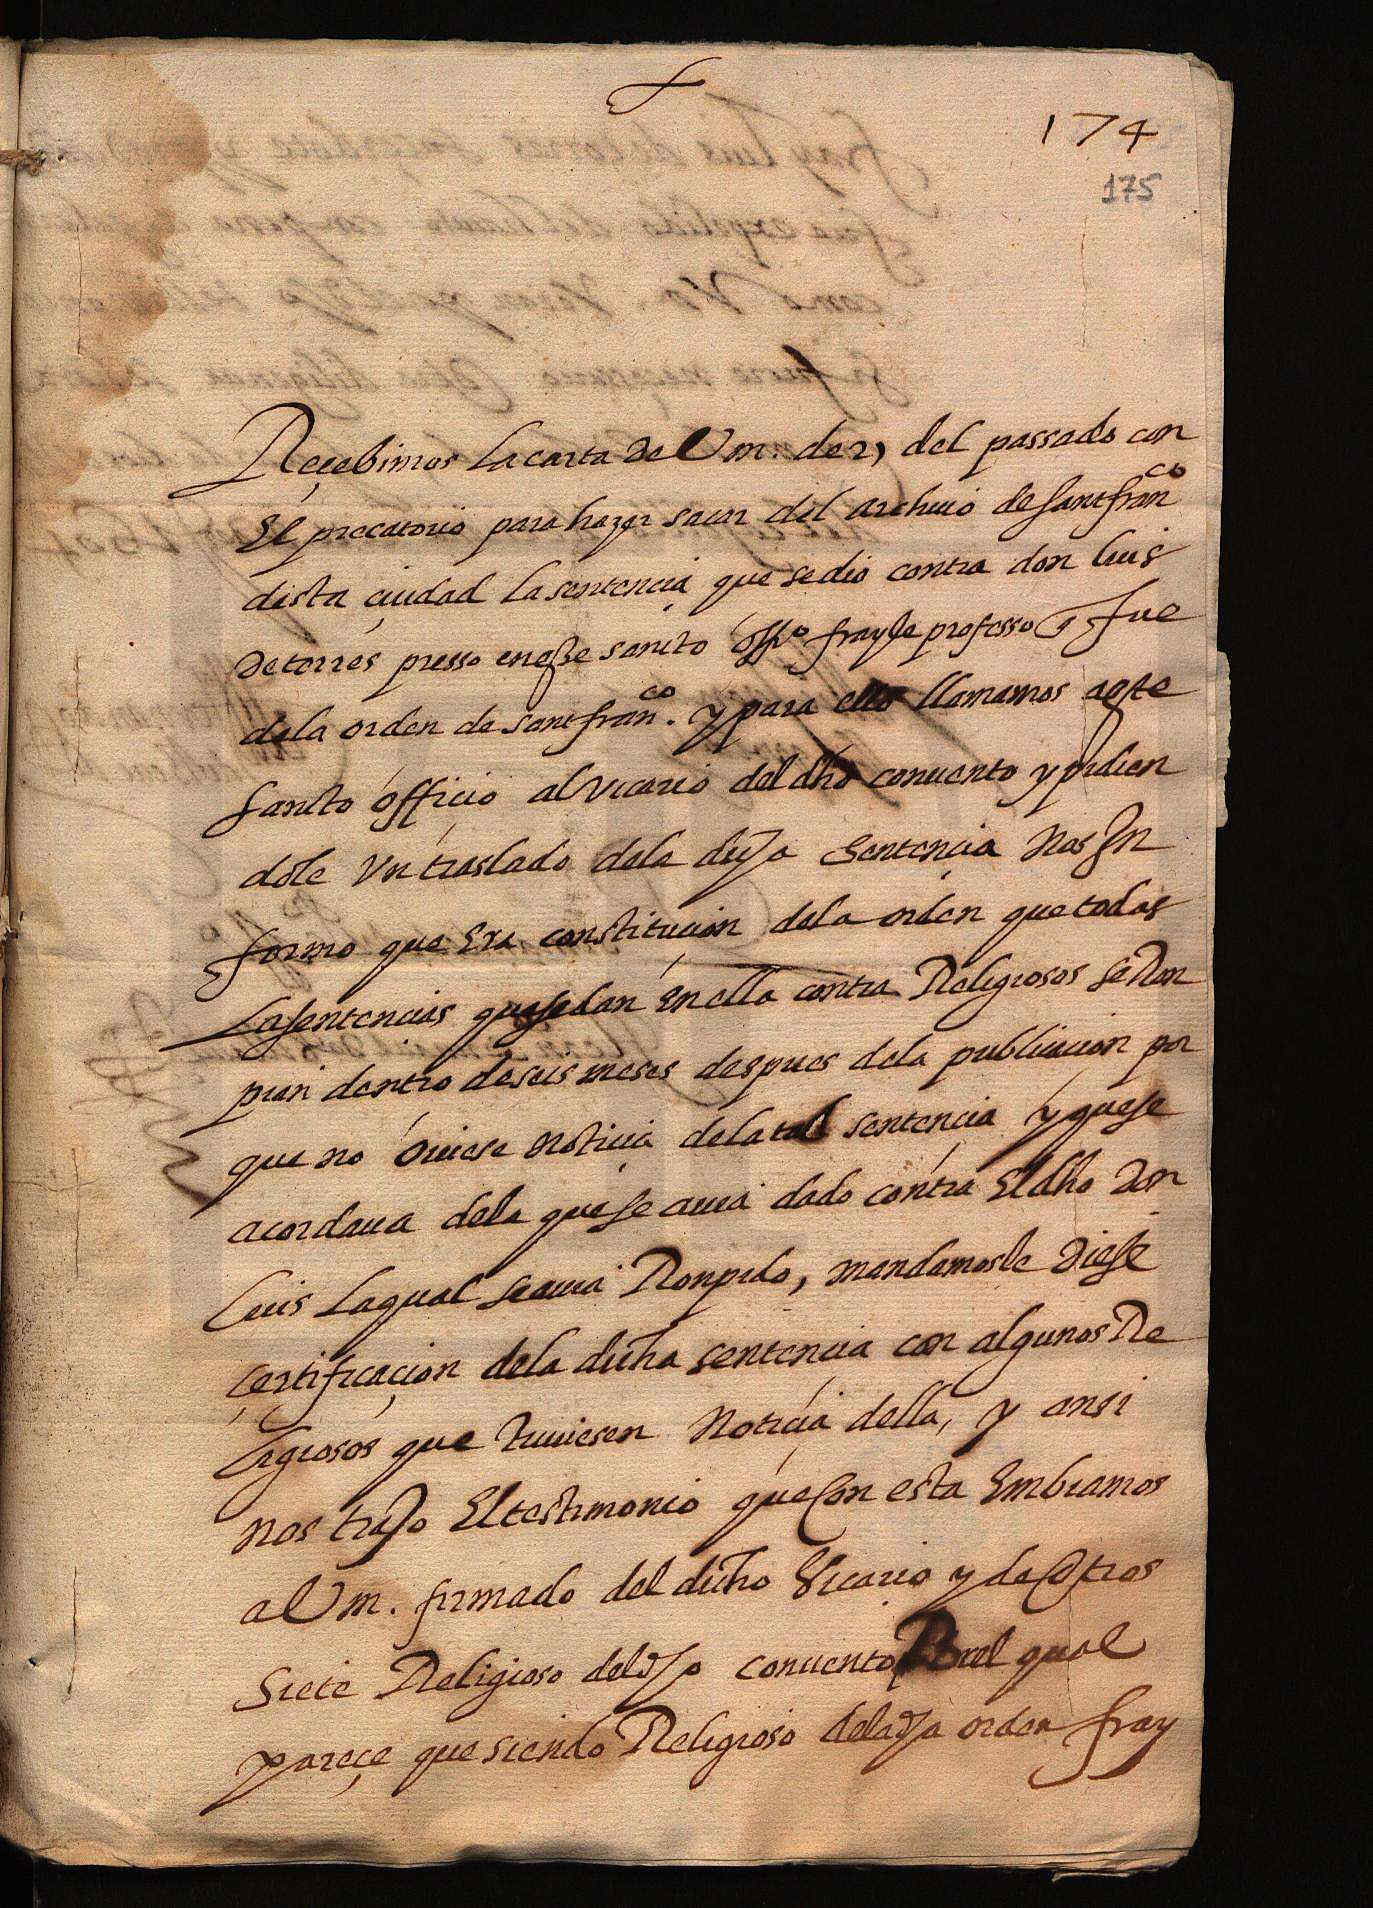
174
Recebimos la carta de Vm. de 27 del passado con
El precatorio para hazer sacar del archiuo de sant franco
desta ciudad la sentencia que se dio contra don luis
de torres presso en esse sancto offo frayle professo q̄ fue
de la orden de sant franco. y para ello llamamos a este
sancto officio al vicario del dho conuento, y pidien
dole vn traslado de la dicha Sentencia nos Jn
formo que Era constitucion de la orden que todas
La sentencias que se dan En ella contra Religiosos se Ron
pian dentro de seis meses despues de la publicacion por
que no ouiese noticia de la tal sentencia y que se
acordaua de la que se auia dado contra El dho don
Luis la qual se auia Ronpido, mandamosle diese
certificacion de la dicha sentencia con algunos Re
ligiosos que tuuiesen noticia della, y ansi
nos traJo El testimonio que Con esta Embiamos
a Vm. firmado del dicho Vicario y de otros
Siete Religioso del dho conuento _rel qual
parece que siendo Religioso de la dha orden fray
